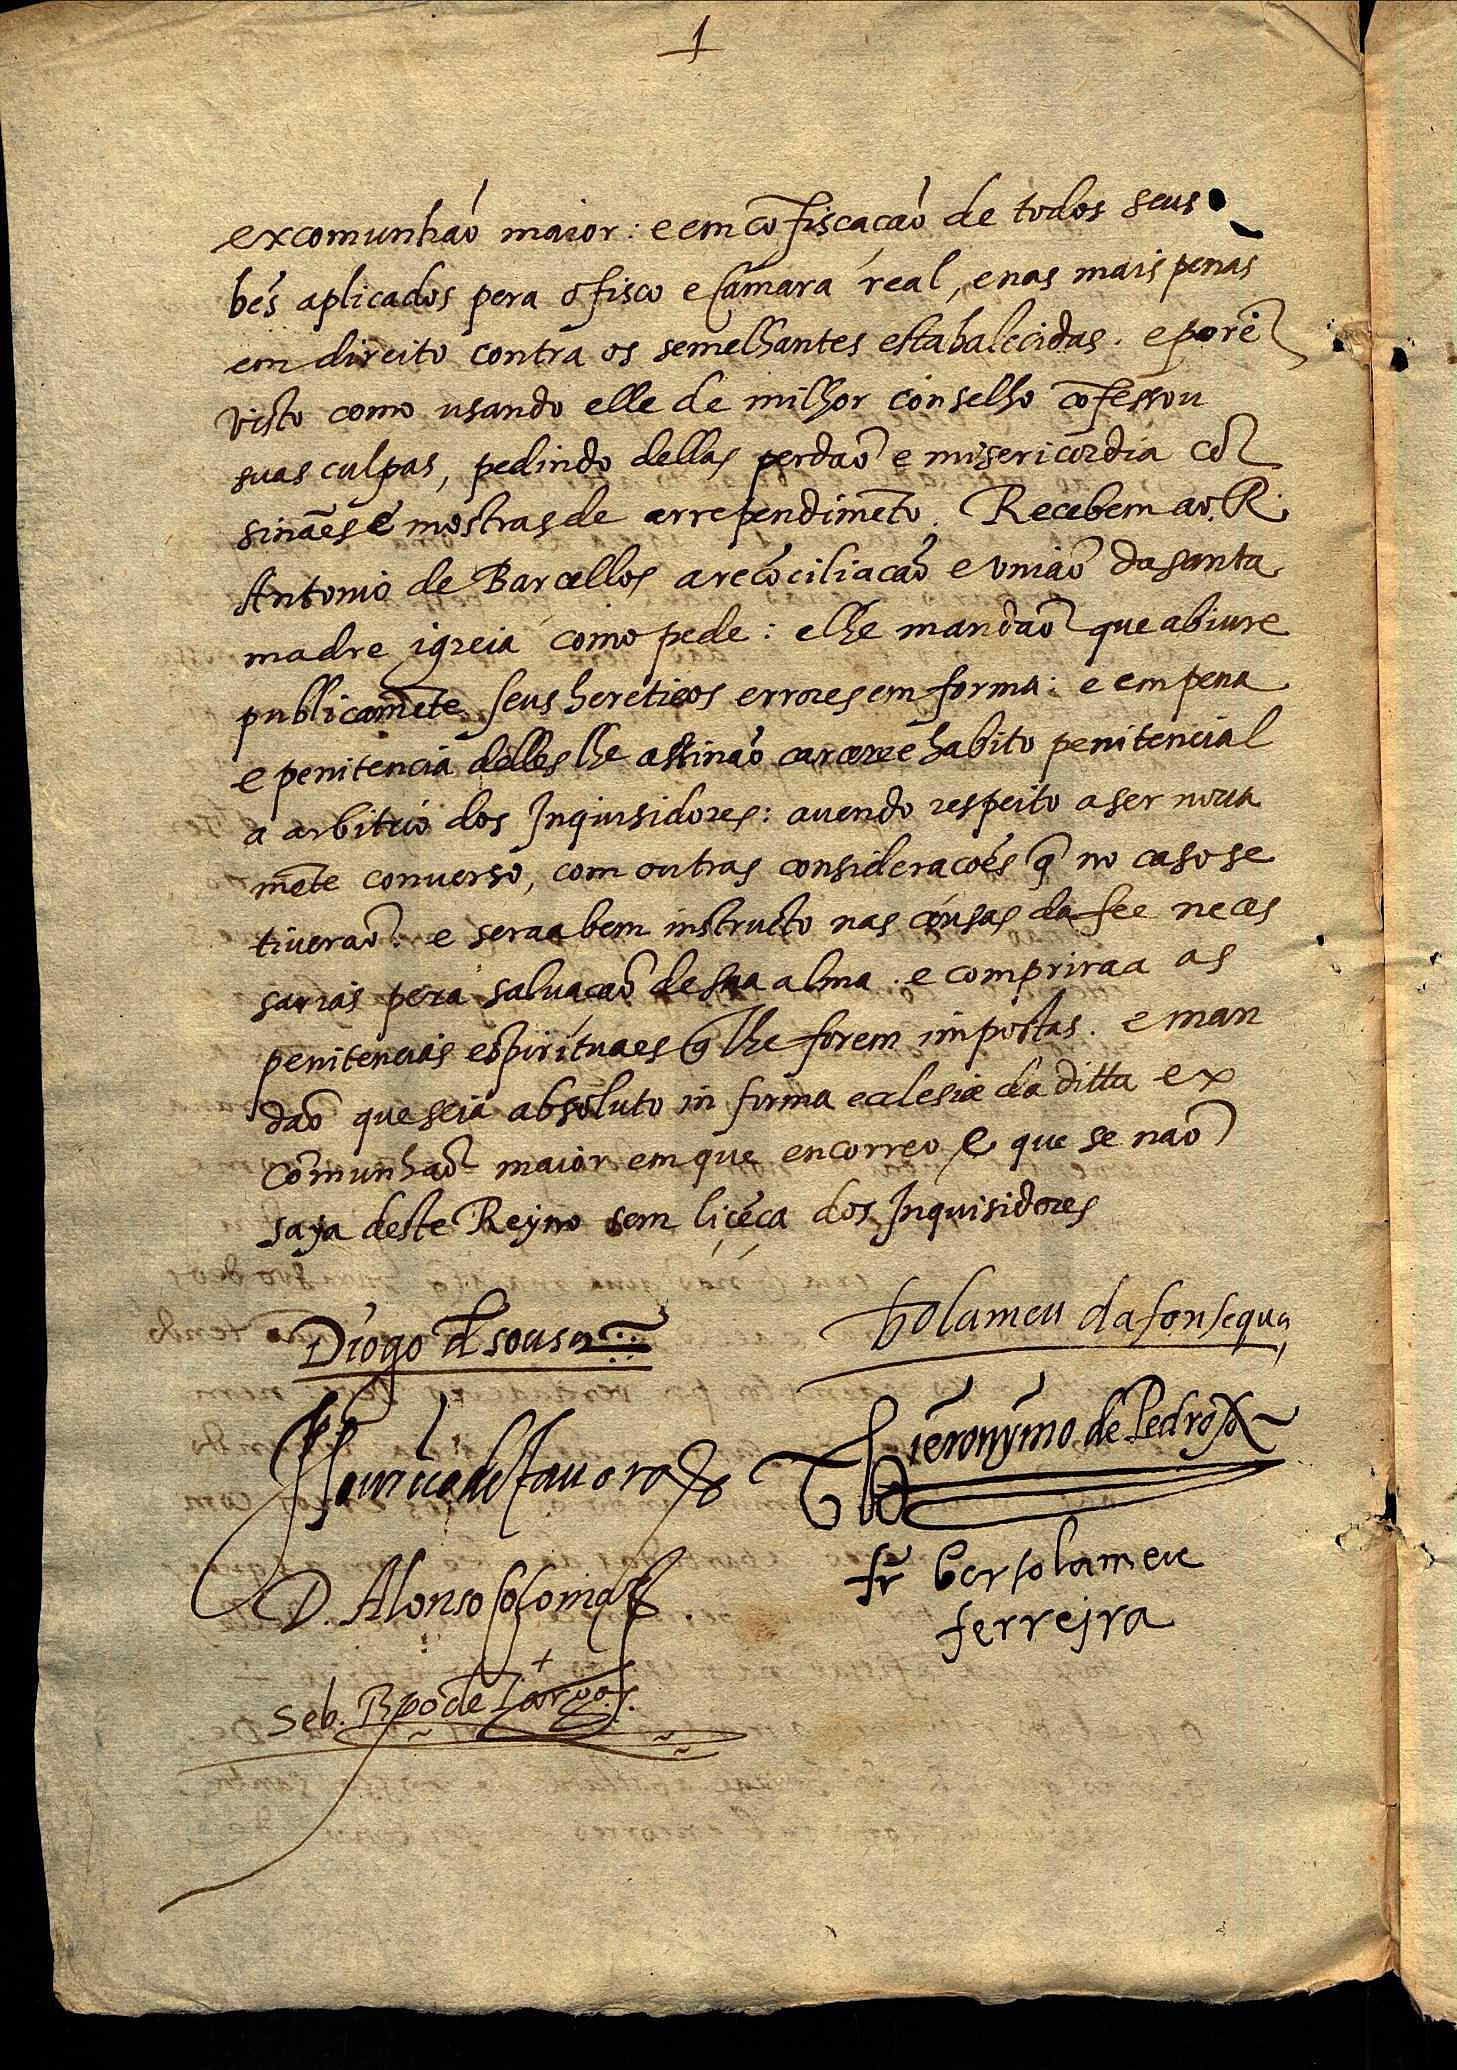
excomunhaõ maior: e em cōfiscaçaõ de todos seus
bes̄ aplicados pera o fisco e Camara real, e nas mais penas
em direito contra os semelhantes estabalecidas. e porē
visto como usando elle de milhor conselho cōfessou
suas culpas, pedindo dellas perdaõ e misericordia cō
sināes e mostras de arrependimēto. Recebem ao R.
Antonio de Barcellos a recōciliacaõ e vniaõ da santa
madre igreia como pede: e lhe mandaõ que abiure
publicamēte seus hereticos errores em forma: e em pena
e penitençia delles lhe assinaõ carcere e habito penitencial
a arbitrio dos Jnquisidores: auendo respeito a ser noua
mēte conuerso, com outras consideraçoẽs q̄ no caso se
tiueraõ e sera a bem instructo nas cousas da fee neces
sarias pera saluaçaõ de sua alma. e compriraa as
penitencias espirituaes q̄ lhe forem impostas. e man
daõ que seia absoluto in forma ecclesiæ da ditta ex
cōmunhaõ maior em que encorreo, e que se naõ
saya deste Reyno sem liçēça dos Jnquisidores
